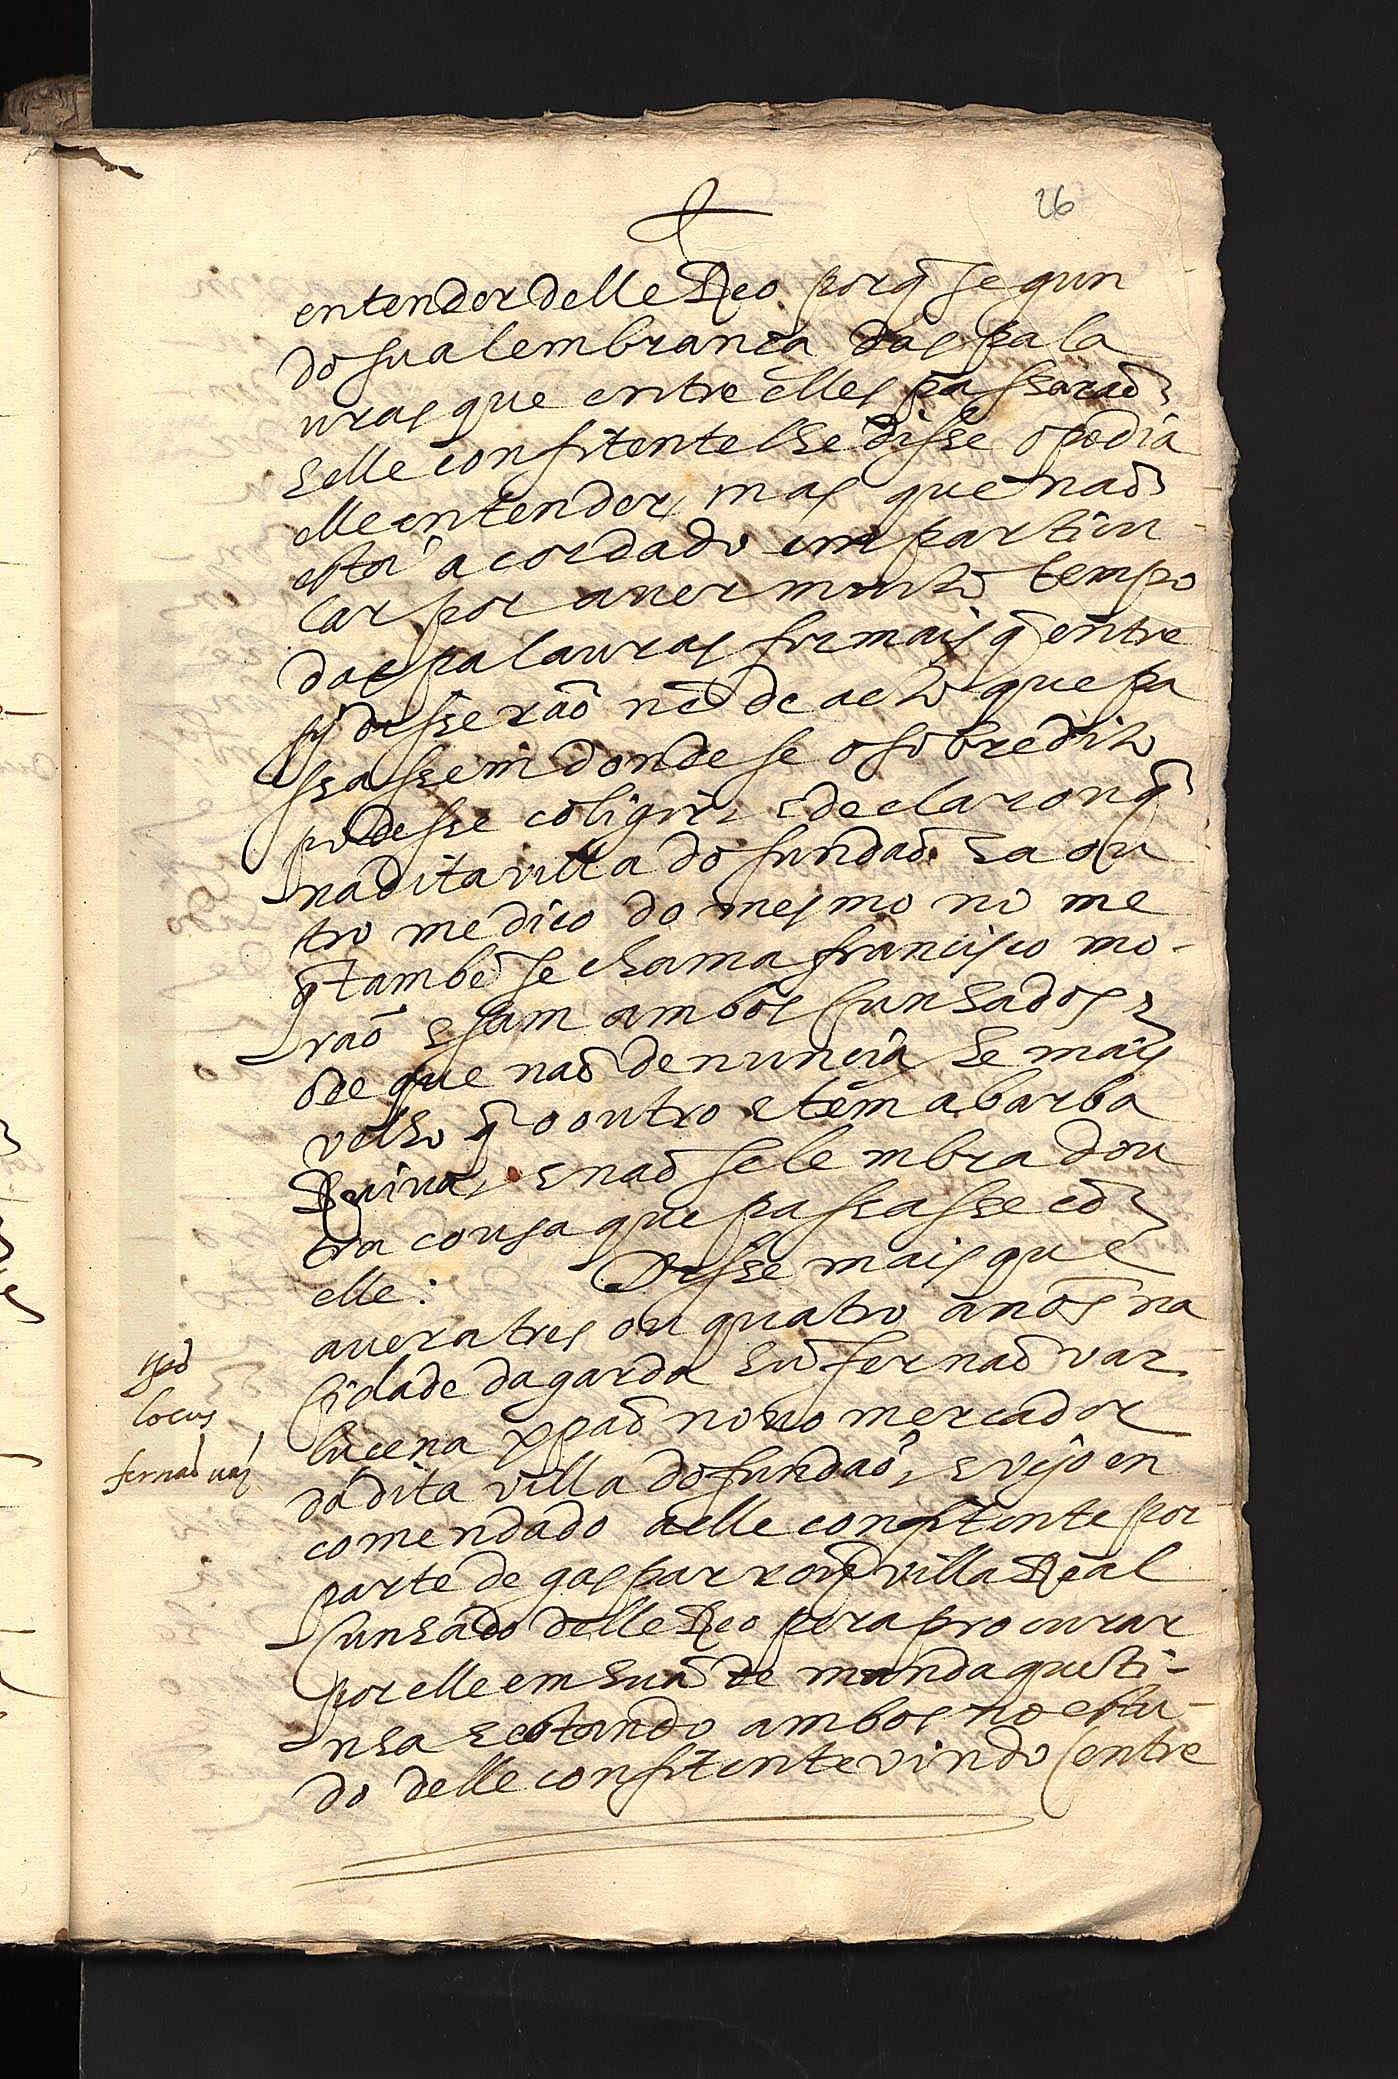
entender delle Reo porq̄ segun
do sua lembrança das pala
uras que entre elles passaraõ
E elle confitente lhe disse o podia
elle entender, mas que naõ
está acordado em particu
lar por auer muito tempo
das palauras formais q̄ entre
sy disseraõ nē de acto que pa
ssassem donde se o sobredito
podesse coligir E declarou q̄
na dita villa do fundaõ ha ou
tro medico do mesmo nome
q̄ tambē se chama francisco mo
raõ E sam ambos Cunhados E
o de que naõ denunçia he mais
velho q̄ o outro E tem a barba
Ruiua, E naõ se lembra dou
tra cousa que passasse cō
elle:
Disse mais que
auera tres ou quatro anōs na
Cidade da garda hū fernaõ vaz
lucena xpaõ nouo mercador
da dita villa do fundaõ, E vejo en
comendado a elle confitente por
parte de gaspar roiz̄ villa Real
Cunhado delle Reo pera procurar
por elle em huā demanda que ti
nha E estando ambos no estu
do delle confitente vindo (entre
